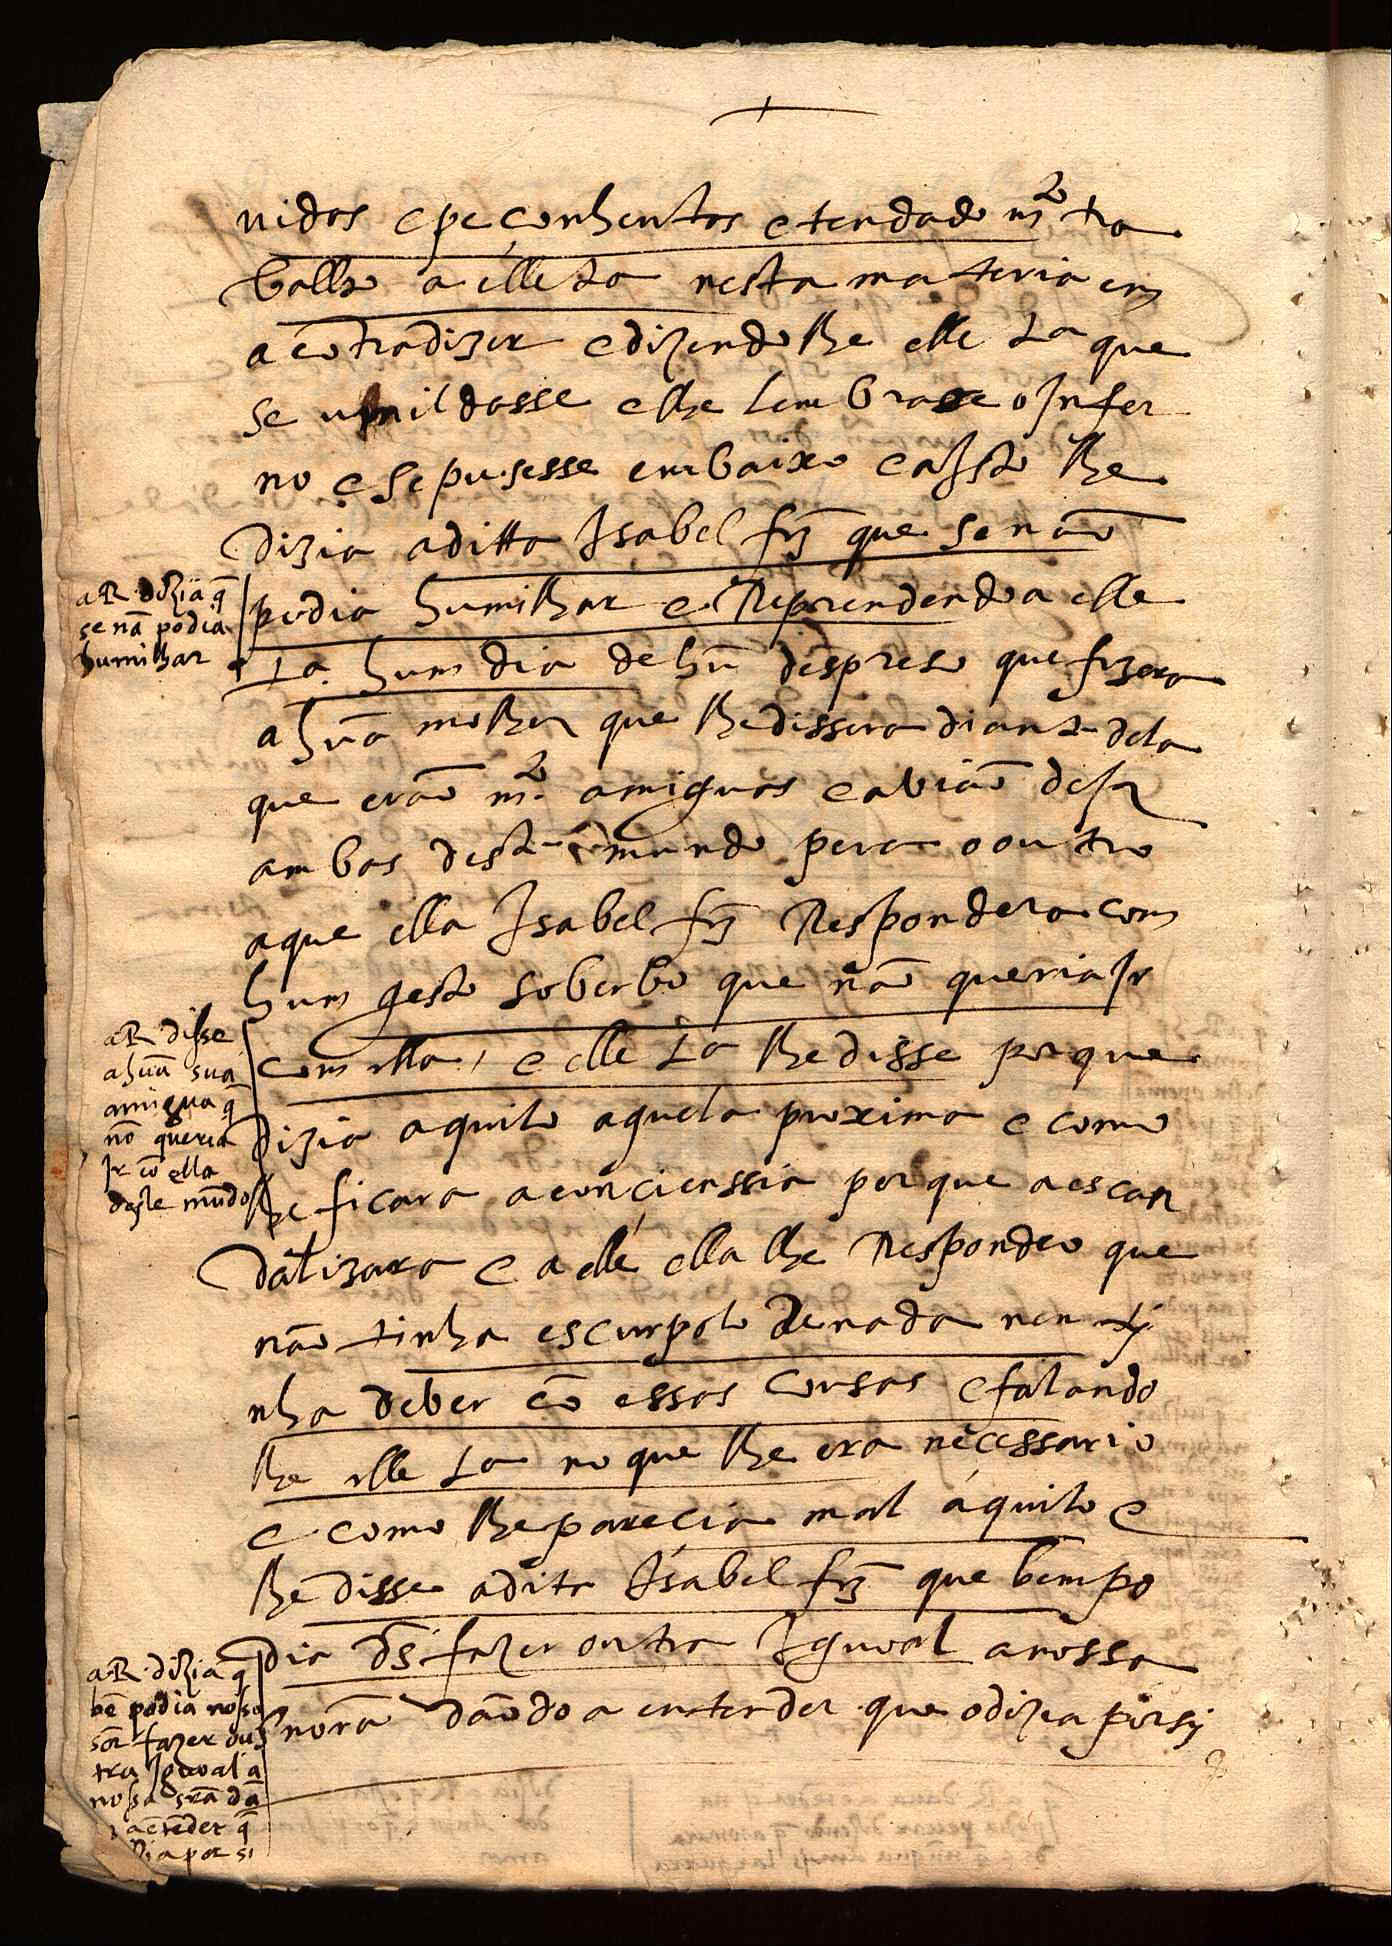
uidos e peçonhentos e ten dado mto tra
balho a elle ta nesta materia em
a cōtra dizer e dizendolhe elle ta que
se umildasse e lhe lembrase o Jnfer
no e se pusesse em baixo e a Jsto lhe
dizia a ditta Jsabel frz̄ que se não
a R. dizia q̄
se nā podia
humilhar
podia humilhar e Reprendendo a elle
ta. hum dia de hū despreso que fizera
a hūa molher que lhe dissera diante dela
que erão mto amiguas e aviaõ de Jr
ambas deste mundo pera o outro
a que ella Jsabel frz̄ Respondera com
hum gesto soberbo que não queria Jr
a R disse
a hūa sua
amigua q̄
n̄o queria
Jr cō ella
deste mūdo
com ella, e elle ta lhe disse porque
dizia aquilo aquela proxima e como
lhe ficara a concienssia porque a escan
dalizara e a elle ella lhe Respondeo que
não tinha escurpolo de nada nem ty
nha dever cō essas cousas e falando
lhe elle ta no que lhe era necessario
e como lhe parecia mal aquilo e
lhe disse a dita Isabel frz̄ que bem po
a R. dizia q̄
bē podia nosso
sōr fazer ou
tra Jguoal a
nossa sr̄a da
a ētēder q̄
ia por si
dia ds̄ fazer outra Iguoal a nossa
Snor̄a dãodo a entender que o dizia por sy
